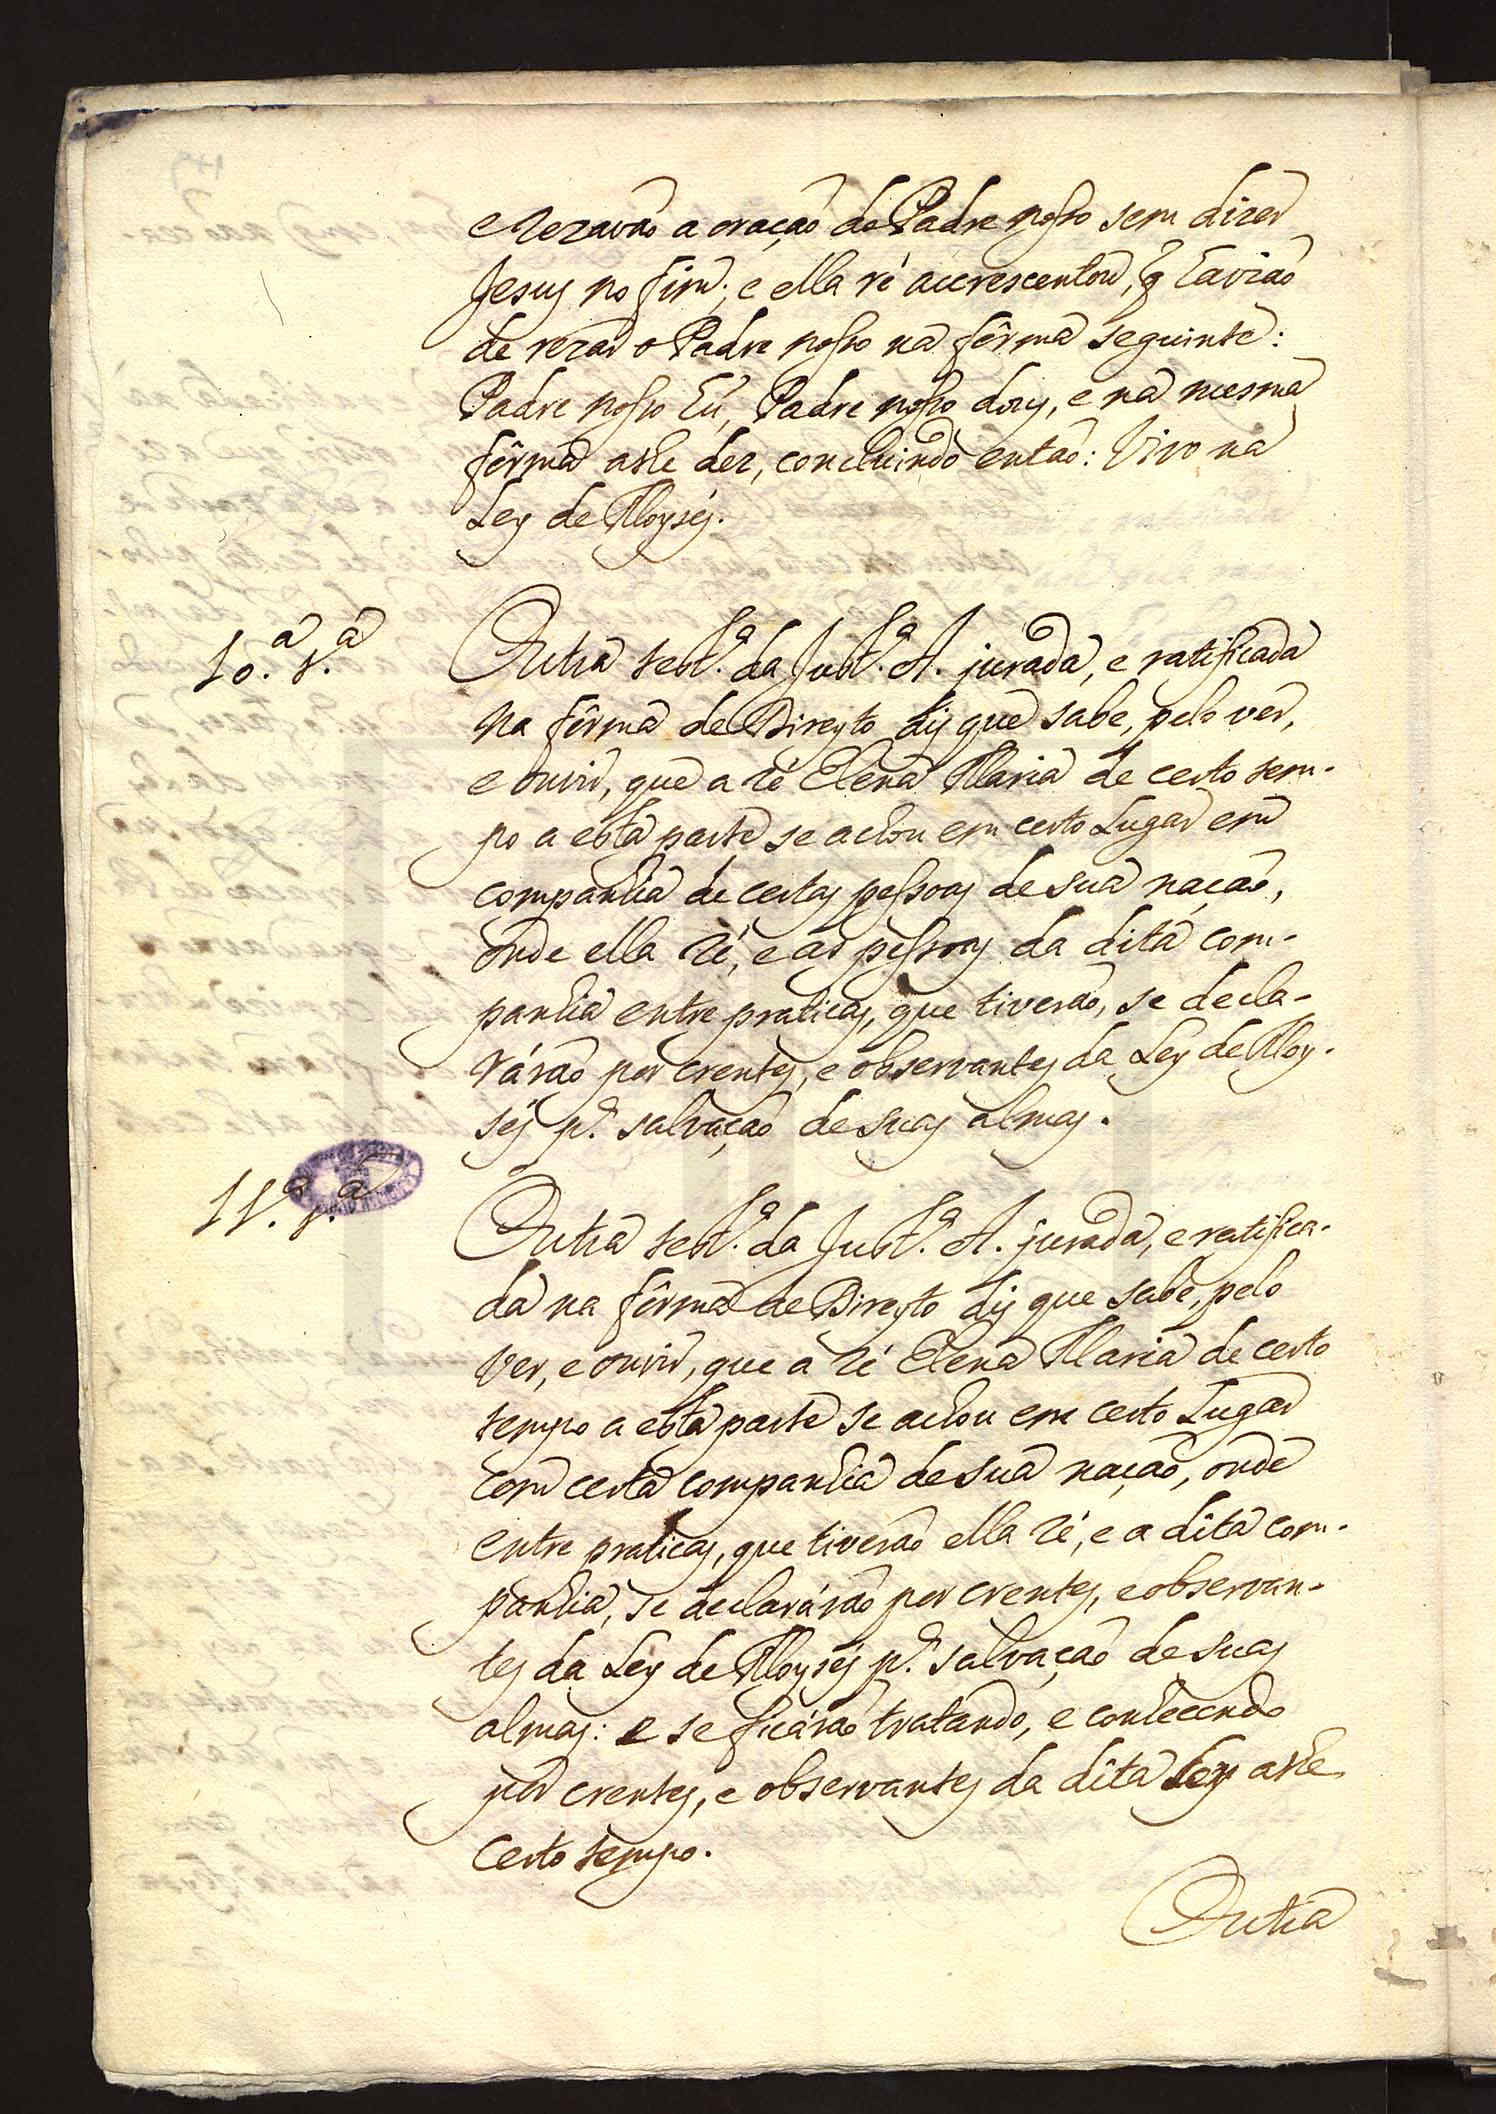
10.a t.a
11.a t.a
e Rezavaõ a oraçaõ do Padre nosso sem dizer
Jesus no fim; e ella ré accrescentou, q̄ haviaõ
de rezar o Padre nosso na fôrma seguinte:
Padre nosso hū, Padre nosso dous, e na mesma
fôrma athe dez, concluindo entaõ: Vivo na
Ley de Moysés.
Outra test.a da Justa. A. jurada, e ratificada
na fôrma de Direyto dis que sabe, pelo ver,
e ouvir, que a ré Elena Maria de certo tem-
po a esta parte se achou em certo Lugar em
companhia de certas pessoas de sua naçaõ,
onde ella Ré, e as pessoas da dita com-
panhia entre praticas, que tiveraõ, se decla-
ráraõ por crentes, e observantes da Ley de Moy-
sés p.a salvaçaõ de suas almas.
Outra test.a da Just.a A. jurada, e ratifica-
da na fôrma de Direyto dis que sabe, pelo
ver, e ouvir, que a Ré Elena Maria de certo
tempo a esta parte se achou em certo Lugar
com certa companhia de sua naçaõ, onde
entre praticas, que tiverão ella Ré, e a dita com
panhia, se declaráraõ por crentes, e observan
tes da Ley de Moyses p.a salvaçaõ de suas
almas: e se ficára tratando, e conhecendo
por crentes, e observantes da dita Ley athe
certo tempo.
Outra
